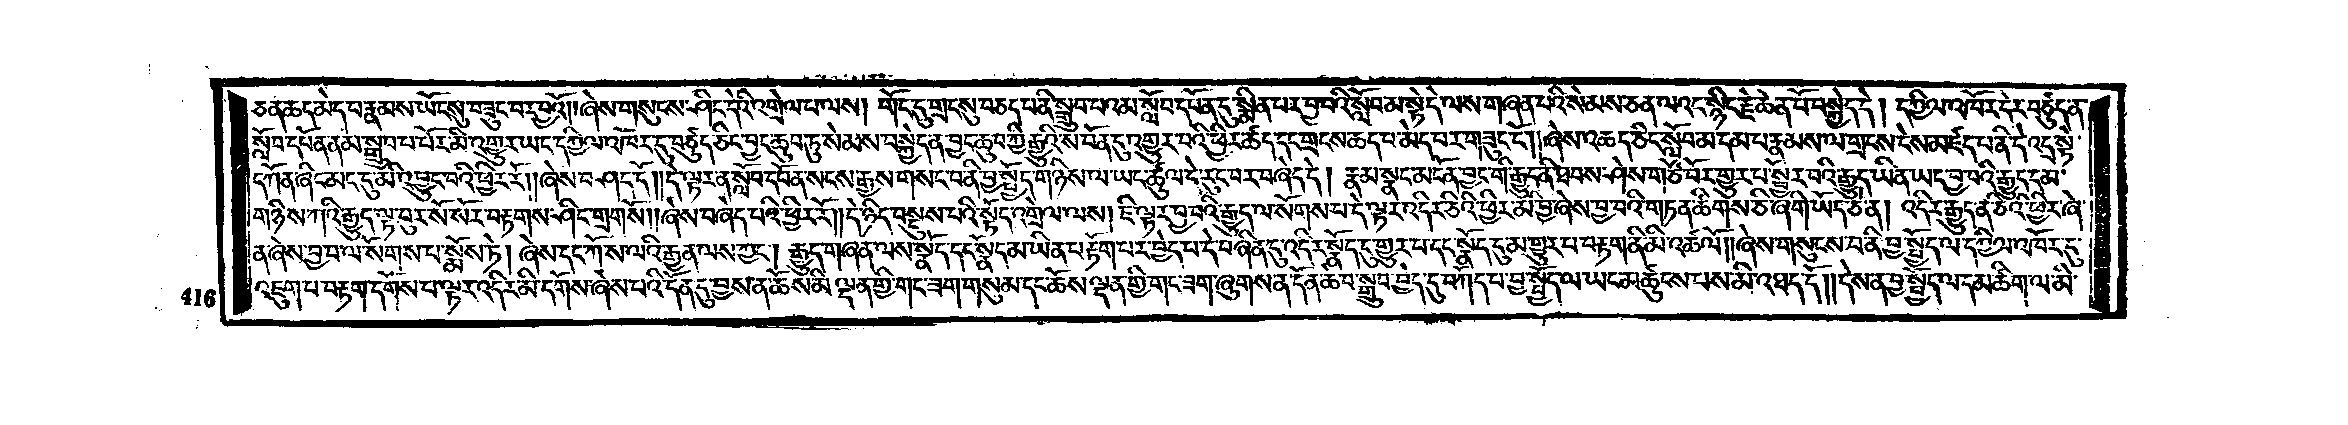ཅན་ཆད་མེད་པ་རྣམས་ཡོངས་སུ་བཟུང་བར་བྱའོ། །ཞེས་གསུངས་ཤིང་དེའི་འགྲེལ་པ་ལས། གོང་དུ་གྲངས་སུ་བཅད་པ་ནི་སྒྲུབ་པའམ་སློབ་དཔོན་དུ་སྨིན་པར་བྱ་བའི་སློབ་མ་སྟེ་དེ་ལས་གཞན་པའི་སེམས་ཅན་ལའང་སྙིང་རྗེ་ཆེན་པོ་བསྐྱེད་དེ། དཀྱིལ་འཁོར་དེར་བཙུད་ན་
སློབ་དཔོན་ནམ་སྒྲུབ་པ་པོར་མི་འགྱུར་ཡང་དཀྱིལ་འཁོར་དུ་བཙུད་ཅིང་བྱང་ཆུབ་ཏུ་སེམས་བསྐྱེད་ན་བྱང་ཆུབ་ཀྱི་རྒྱུའི་ས་བོན་དུ་འགྱུར་བའི་ཕྱིར་ཚད་དང་གྲངས་ཆད་པ་མེད་པར་གཟུང་ངོ། །ཞེས་འཆད་ཅིང་སློབ་མ་དམ་པ་རྣམས་ལ་གྲངས་ངེས་མཛད་པ་ནི་དེ་འདྲ་སྟེ་
དཀོན་ཞིང་མང་དུ་མི་འབྱུང་བའི་ཕྱིར་རོ། །ཞེས་བཤད་དོ། །དེ་ལྟར་ན་སློབ་དཔོན་སངས་རྒྱས་གསང་བ་ནི་བྱ་སྤྱོད་གཉིས་ལ་ཡང་ཚུལ་དེ་རུང་བར་བཞེད་དེ། རྣམ་སྣང་མངོན་བྱང་གི་རྒྱུད་ནི་ཐབས་ཤེས་གཙོ་བོར་གྱུར་པ་སྦྱོར་བའི་རྒྱུད་ཡིན་ཡང་བྱ་བའི་རྒྱུད་དམ་
གཉིས་ཀའི་རྒྱུད་ལྟ་བུར་སོ་སོར་བརྟགས་ཤིང་གྲགས་སོ། །ཞེས་བཞེད་པའི་ཕྱིར་རོ། །དེ་ཉིད་བསྡུས་པའི་སྟོད་འགྲེལ་ལས། ཇི་ལྟར་བྱ་བའི་རྒྱུད་ལ་སོགས་པ་དེ་ལྟར་འདིར་ཅིའི་ཕྱིར་མི་བྱ་ཞེས་བྱ་བའི་གཏན་ཚིགས་ཅི་ཞིག་གི་ཡོད་ཅེ་ན། འདིར་རྒྱུད་ན་ཅིའི་ཕྱིར་ཞེ་
ན་ཞེས་བྱ་བ་ལ་སོགས་པ་སྨོས་ཏེ། ཞེས་དང་ཀོ་ས་ལའི་རྒྱན་ལས་ཀྱང་། རྒྱུད་གཞན་ལས་སྣོད་དང་སྣོད་མ་ཡིན་པ་རྟོག་པར་བྱེད་པ་དེ་བཞིན་དུ་འདིར་སྣོད་དུ་གྱུར་པ་དང་སྣོད་དུ་མ་གྱུར་པ་བརྟག་ནི་མི་འཚལ་ལོ། །ཞེས་གསུངས་པ་ནི་བྱ་སྤྱོད་ལ་དཀྱིལ་འཁོར་དུ་
འཇུག་པ་བརྟག་དགོས་པ་ལྟར་འདིར་མི་དགོས་ཞེས་པའི་དོན་དུ་བྱས་ན་ཆོས་མི་ལྡན་གྱི་གང་ཟག་གསུམ་དང་ཆོས་ལྡན་གྱི་གང་ཟག་ཞུགས་ན་དོན་ཆེ་བ་སྒྲུབ་བྱེད་དུ་བཀོད་པ་བྱ་སྤྱོད་ལ་ཡང་མཚུངས་པས་མི་འཐད་དོ། །དེས་ན་བྱ་སྤྱོད་ལ་དམ་ཚིག་ལ་མི་